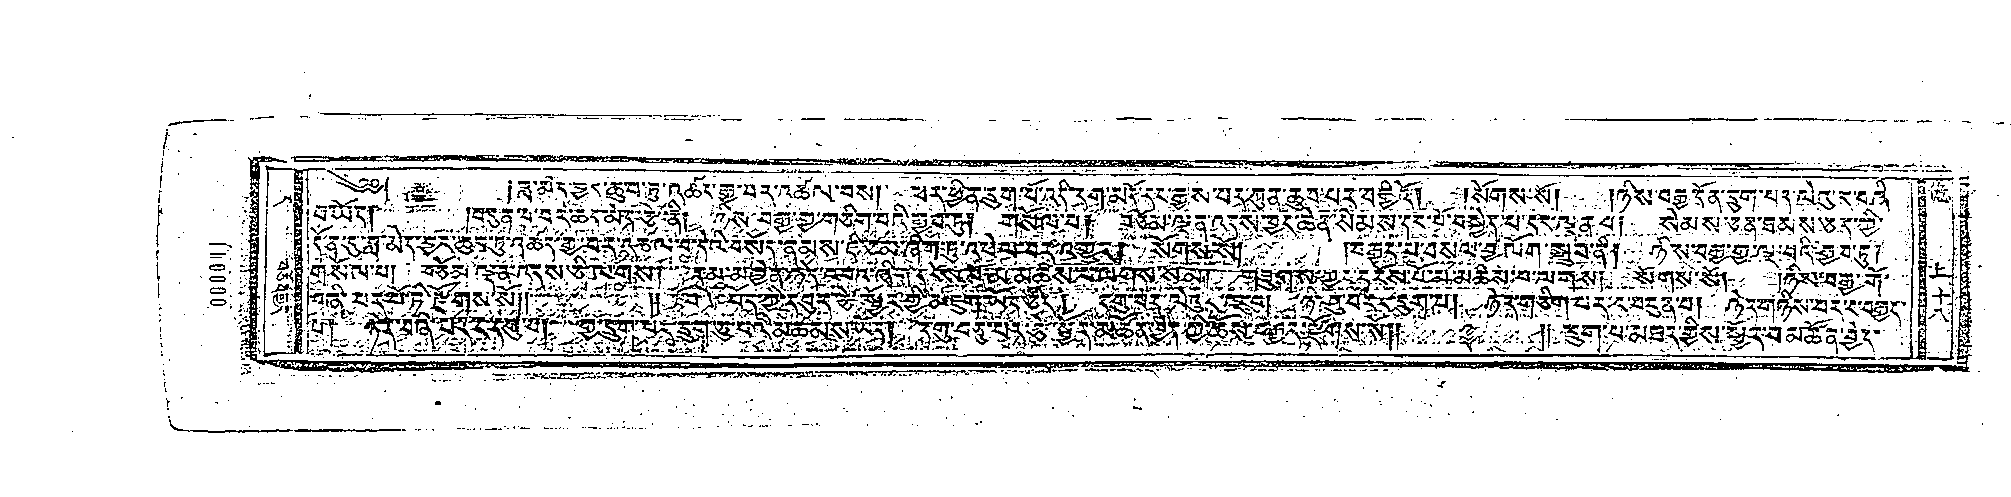༄༅། །ཟླ་མེད་བྱང་ཆུབ་ཏུ་འཚང་རྒྱ་བར་འཚལ་བས། ཕར་ཕྱིན་དྲུག་པོ་འདི་དག་མདོ་དང་རྒྱས་པར་ཀུན་ཆུབ་པར་བགྱིའོ། །སོགས་སོ། །ཉིས་བརྒྱ་དོན་དྲུག་པར་ལེའུ་ད་བཞི་
པ་ཡོད། །བདུན་པ་བར་ཆད་མེད་རྩེ་ནི། ཉིས་བརྒྱ་གྱ་གཅིག་པའི་རྒྱབ་ཏུ། གསོལ་བ། བཅོམ་ལྡན་འདས་བྱང་ཆེན་སེམས་དང་པོ་བསྐྱེད་པ་དང་ལྡན་པ། སེམས་ཅན་ཐམས་ཅད་ཀྱི་
དོན་དུ་བླ་མེད་བྱང་ཆུབ་ཏུ་འཚང་རྒྱ་བར་འཚལ་བ་དེའི་བསོད་ནམས་ཇི་ཙམ་ཞིག་ཏུ་འཕེལ་བར་འགྱུར། སོགས་སོ། །བརྒྱད་པ་བསལ་བྱ་ལོག་སྒྲུབ་ནི། ཉིས་བརྒྱ་གྱ་ལྔ་པའི་རྒྱབ་ཏུ།
གསོལ་པ། བཅོམ་ལྡན་འདས་ཅི་ལགས། རྣམ་མཁྱེན་ཉེད་འབའ་ཞིག་དངོས་པོ་མ་མཆིས་པ་ལགས་སམ། གཟུགས་ཀྱང་དངོས་པོ་མ་མཆིས་བ་ལགས། སོགས་སོ། །ཉིས་བརྒྱ་གོ་
བཞི་པར་པོ་ཏི་རྫོགས་སོ།། །། བ྄་པོད་ཀྱི་དབུར་རྩེ་སྦྱོར་གྱི་མཇུག་ཡོད་ཅིང་། དགུ་པར་ལེའུ་ང་ལྔ་པ། ཉི་ཤུ་པར་ང་དྲུག་པ། ཉེར་གཅིག་པར་ད་བདུན་པ། ཉེར་གཉིས་པར་ང་བརྒྱད་
པ། ཉེར་བཞི་པར་ང་དགུ་པ། གྱ་དྲུག་པར་དྲུག་ཅུ་པའི་མཚམས་ཡོད། དགུ་བཅུ་པར་རྩེ་སྦྱོར་མཚོན་བྱེད་ཀྱི་ཆོས་བརྒྱད་རྫོགས་སོ།། ༈ །།དྲུག་པ་མཐར་གྱིས་སྦྱོར་བ་མཚོན་བྱེད་